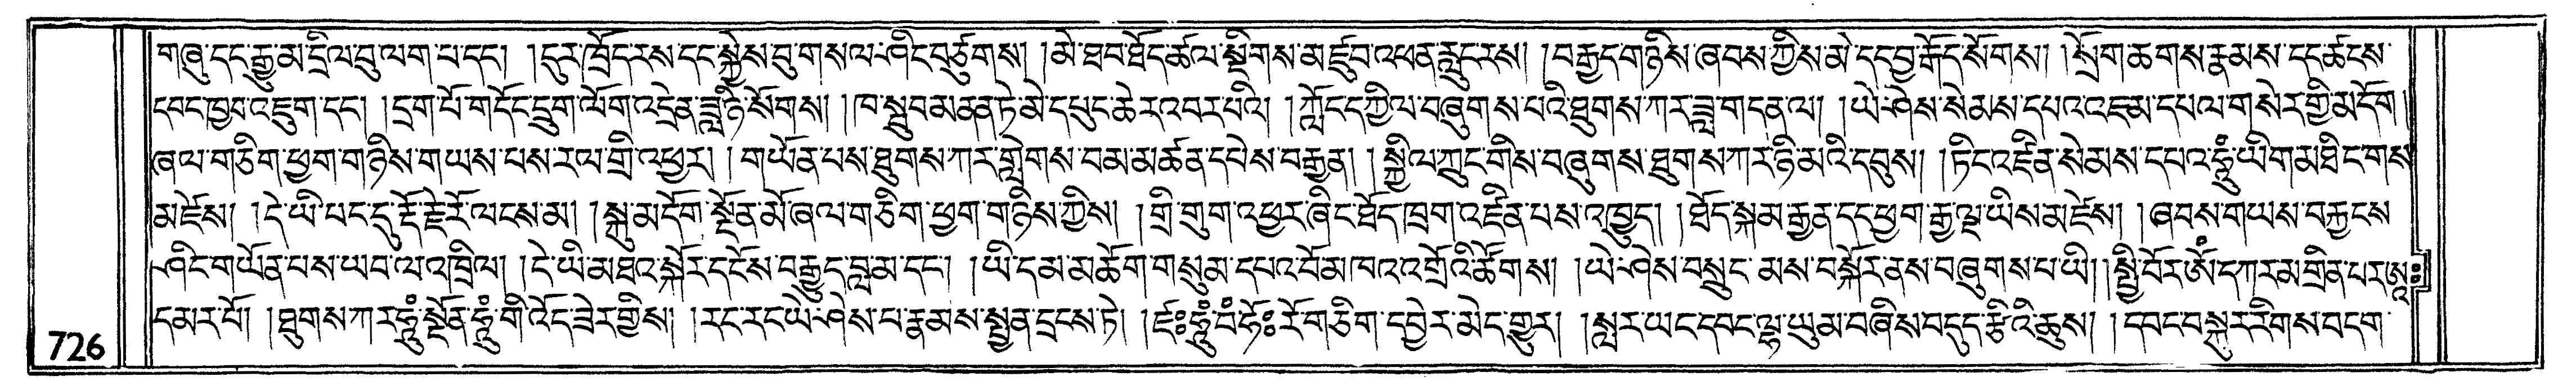གཞུ་དང་རྒྱུ་མ་དྲིལ་བུ་ལག་པ་དང་། །དུར་ཁྲོད་རས་དང་སྐྱེས་བུ་གསལ་ཤིང་བཙུགས། །མེ་ཐབ་ཐོད་ཚལ་སྡིགས་མཛུབ་འཕན་རླུང་རས། །བརྒྱད་གཉིས་ཞབས་ཀྱིས་མེ་དང་བྱ་རྒོད་སོགས། །སྲོག་ཆགས་རྣམས་དང་ཚངས་
དབང་ཁྱབ་འཇུག་དང་། །དྲག་པོ་གདོང་དྲུག་ལོག་འདྲེན་ཟླ་ཉི་སོགས། །ཁ་སྦུབ་མནན་ཏེ་མེ་དཔུང་ཆེར་འབར་པའི། །ཀློང་དཀྱིལ་བཞུགས་པའི་ཐུགས་ཀར་ཟླ་གདན་ལ། །ཡེ་ཤེས་སེམས་དཔའ་འཇམ་དཔལ་གསེར་གྱི་མདོག །
ཞལ་གཅིག་ཕྱག་གཉིས་གཡས་པས་རལ་གྲི་འཕྱར། །གཡོན་པས་ཐུགས་ཀར་གླེགས་བམ་མཚན་དཔེས་བརྒྱན། །སྐྱིལ་ཀྲུང་གིས་བཞུགས་ཐུགས་ཀར་ཉི་མའི་དབུས། །ཏིང་འཛིན་སེམས་དཔའ་ཧཱུཾ་ཡིག་མཐིང་གས་
མཛེས། །དེ་ཡི་པང་དུ་རྡོ་རྗེ་རོ་ལངས་མ། །སྐུ་མདོག་སྔོན་མོ་ཞལ་གཅིག་ཕྱག་གཉིས་ཀྱིས། །གྲི་གུག་འཕྱར་ཞིང་ཐོད་ཁྲག་འཛིན་པས་འཁྱུད། །ཐོད་སྐམ་རྒྱན་དང་ཕྱག་རྒྱ་ལྔ་ཡིས་མཛེས། །ཞབས་གཡས་བརྐྱངས་
ཤིང་གཡོན་པས་ཡབ་ལ་འཁྲིལ། །དེ་ཡི་མཐའ་སྐོར་དངོས་བརྒྱུད་བླ་མ་དང་། །ཡི་དམ་མཆོག་གསུམ་དཔའ་བོ་མཁའ་འགྲོའི་ཚོགས། །ཡེ་ཤེས་བསྲུང་མས་བསྐོར་ནས་བཞུགས་པ་ཡི། །སྤྱི་བོར་ཨོཾ་དཀར་མགྲིན་པར་ཨཱཿ
དམར་པོ། །ཐུགས་ཀར་ཧཱུཾ་སྔོན་ཧཱུཾ་གི་འོད་ཟེར་གྱིས། །རང་རང་ཡེ་ཤེས་པ་རྣམས་སྤྱན་དྲངས་ཏེ། །ཛཿ ཧཱུཾ་བཾ་ཧོཿ རོ་གཅིག་དབྱེར་མེད་གྱུར། །སླར་ཡང་དབང་ལྷ་ཡུམ་བཞིས་བདུད་རྩིའི་ཆུས། །དབང་བསྐུར་རིགས་བདག་